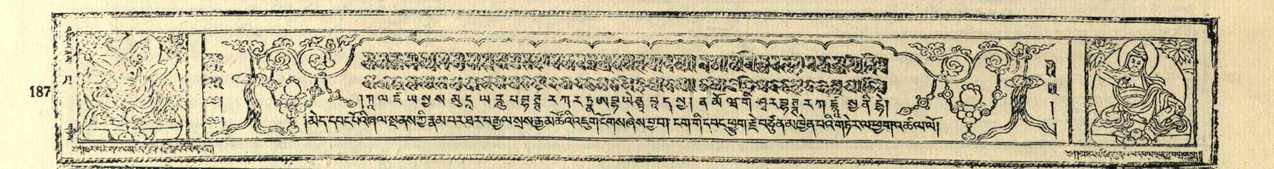༄༅། །ཀཱ་ལ་ཛ་ཡ་སྱ་ས་མུ་དཱ་ཡ་རཱུ་པབྷ་ཊྚ་ར་ཀ་ར་ཏྣ་ཨ་བྷ་ཡེ་ནྟྲ་པཱ་ད་སྱ། ན་མོ་ཝ་གི་ཤྭ་ར་བྷ་ཊྚ་ར་ཀ་ཛྙཱ་སྱ་ནི་དྷེ།
༄༅། །མེད་དབང་པོའི་ཞལ་སྔ་ནས་ཀྱི་རྣམ་པར་ཐར་པ་རྒྱལ་སྲས་རྒྱ་མཚོའི་འཇུག་ངོས་ཞེས་བྱ་བ། ངག་གི་དབང་ཕྱུག་རྗེ་བཙུན་མཁྱེན་པའི་གཏེར་ལ་ཕྱག་འཚལ་ལོ།